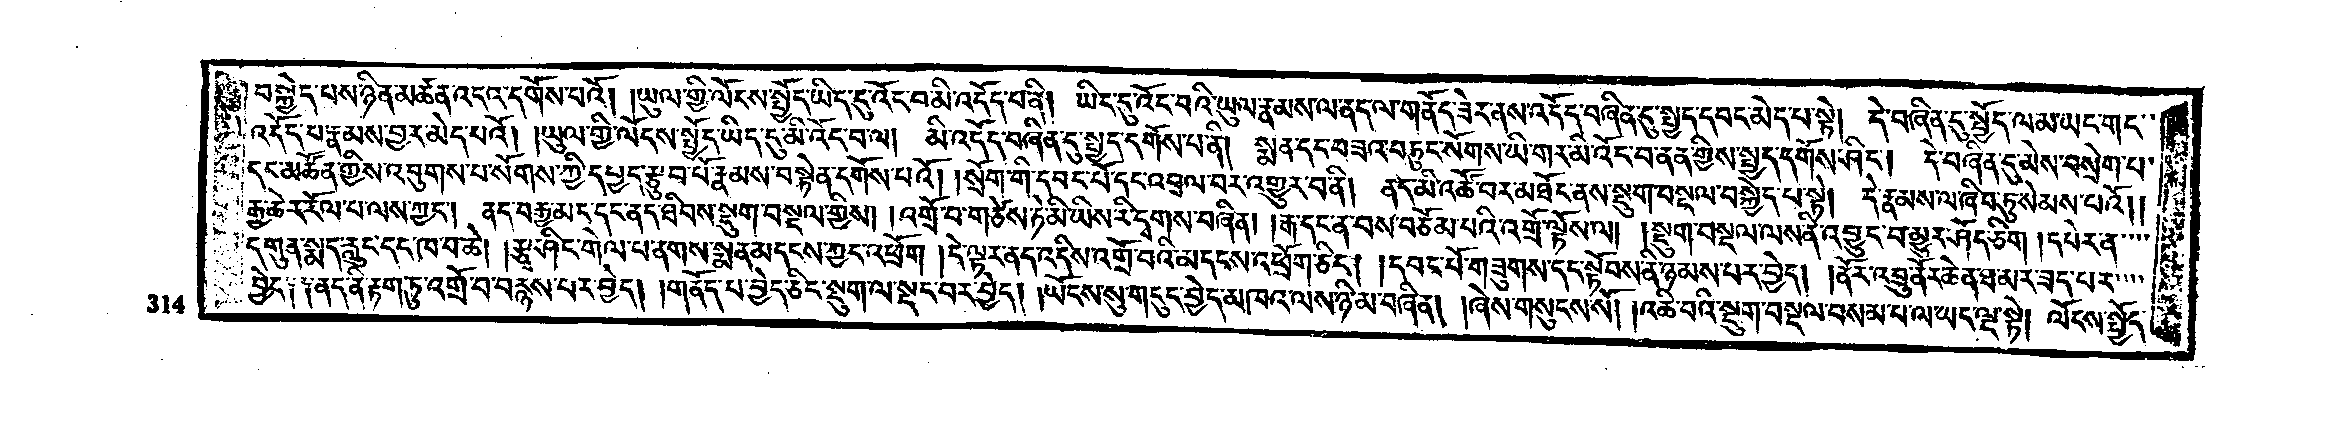བསྐྱེད་པས་ཉིན་མཚན་འདའ་དགོས་པའོ། །ཡུལ་གྱི་ལོངས་སྤྱོད་ཡིད་དུ་འོང་བ་མི་འདོད་པ་ནི། ཡིད་དུ་འོང་བའི་ཡུལ་རྣམས་ལ་ནད་ལ་གནོད་ཟེར་ནས་འདོད་བཞིན་དུ་སྤྱད་དབང་མེད་པ་སྟེ། དེ་བཞིན་དུ་སྤྱོད་ལམ་ཡང་གང་
འདོད་པ་རྣམས་བྱར་མེད་པའོ། །ཡུལ་གྱི་ལོངས་སྤྱོད་ཡིད་དུ་མི་འོང་བ་ལ། མི་འདོད་བཞིན་དུ་སྤྱད་དགོས་པ་ནི། སྨན་དང་བཟའ་བཏུང་སོགས་ཡི་གར་མི་འོང་བ་ནན་གྱིས་སྤྱད་དགོས་ཤིང་། དེ་བཞིན་དུ་མེས་བསྲེག་པ་
དང་མཚོན་གྱིས་འབུགས་པ་སོགས་ཀྱི་དཔྱད་རྩུབ་པོ་རྣམས་བསྟེན་དགོས་པའོ། །སྲོག་གི་དབང་པོ་དང་འབྲལ་བར་འགྱུར་བ་ནི། ནད་མི་འཚོ་བར་མཐོང་ནས་སྡུག་བསྔལ་བསྐྱེད་པ་སྟེ། དེ་རྣམས་ལ་ཞིབ་ཏུ་སེམས་པའོ། །
རྒྱ་ཆེར་རོལ་པ་ལས་ཀྱང་། ནད་བརྒྱ་མང་དང་ནད་ཐིབས་སྡུག་བསྔལ་གྱིས། །འགྲོ་བ་གཙེས་ཏེ་མི་ཡིས་རི་དྭགས་བཞིན། །རྒ་དང་ན་བས་བཅོམ་པའི་འགྲོ་ལྟོས་ལ། །སྡུག་བསྔལ་ལས་ནི་འབྱུང་བ་མྱུར་ཤོད་ཅིག །དཔེར་ན་
དགུན་སྨད་རླུང་དང་ཁ་བ་ཆེ། །རྩྭ་ཤིང་གེལ་པ་ནགས་སྨན་མདངས་ཀྱང་འཕྲོག །དེ་ལྟར་ནད་འདིས་འགྲོ་བའི་མདངས་འཕྲོག་ཅིང་། །དབང་པོ་གཟུགས་དང་སྟོབས་ནི་ཉམས་པར་བྱེད། །ནོར་འབྲུ་ནོར་ཆེན་ཐ་མར་ཟད་པར་
བྱེད༑ ༑ནད་ནི་རྟག་ཏུ་འགྲོ་བ་བརྙས་པར་བྱེད། །གནོད་པ་བྱེད་ཅིང་སྡུག་ལ་སྡང་བར་བྱེད། །ཡོངས་སུ་གདུང་བྱེད་མཁའ་ལས་ཉི་མ་བཞིན། །ཞེས་གསུངས་སོ། །འཆི་བའི་སྡུག་བསྔལ་བསམ་པ་ལ་ཡང་ལྔ་སྟེ། ལོངས་སྤྱོད་